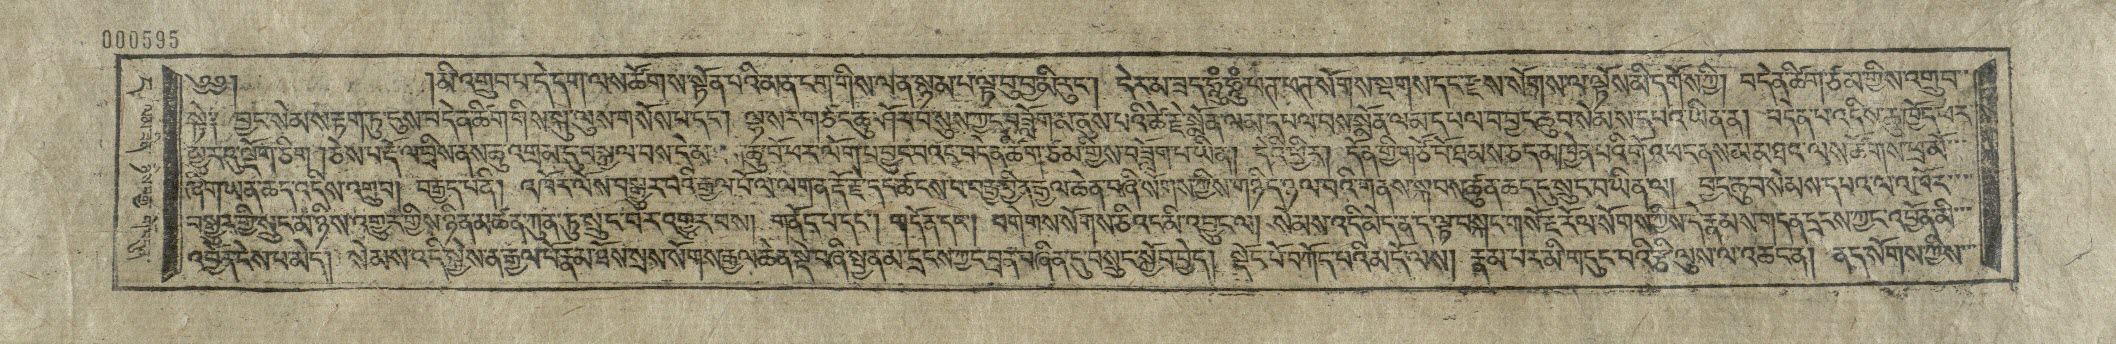༄༅། །མི་འགྲུབ་པ་དེ་དག་ལས་ཚོགས་སྟོན་པའི་མན་ངག་གིས་ལན་སྙམ་པ་ལྟ་བུ་བྱ་མི་རུང་། དེར་མ་ཟད་ཧཱུཾ་ཧཱུཾ་ཕཊ་ཕཊ་སོགས་སྔགས་དང་རྫས་སོགས་ལ་ལྟོས་མི་དགོས་ཀྱི། བདེན་ཚིག་ཙམ་གྱིས་འགྲུབ་
སྟེ༑ བྱང་སེམས་རྟག་ཏུ་དུས་བདེན་ཚིག་གིས་སྐུ་ལུས་གསོས་པ་དང་། ལྷ་སར་གཙང་ཆུ་ཤོར་བ་སུས་ཀྱང་བཟློག་མ་ནུས་པའི་ཚེ་རྗེ་སྨོན་ལམ་དཔལ་བས་སྨོན་ལམ་དཔལ་བ་བྱང་ཆུབ་སེམས་དཔའ་ཡིན་ན། བདེན་པ་འདིས་ཆུ་ཁྱོད་ཕར་
མྱུར་དུ་ལྡོག་ཅིག །ཅེས་པ་རྡོ་ལ་བྲིས་ནས་ཆུ་འགྲམ་དུ་བསྐྱལ་བས་དེ་མ་ཐག་ཆུ་བོ་ཕར་ལོག་པ་བྱུང་བའང་བདེན་ཚིག་ཙམ་གྱིས་བཟློག་པ་ཡིན། དེའི་ཕྱིར། དོན་གྱི་གཙོ་བོ་ཐམས་ཅད་མཁྱེན་པའི་གོ་འཕང་ནས་མ་མཐའ་ལས་ཚོགས་ཕྲ་མོ་
ཞིག་ཡན་ཆད་འདིས་འགྲུབ། བརྒྱད་པ་ནི། འཁོར་ལོས་བསྒྱུར་བའི་རྒྱལ་པོ་ལ་ལག་ན་རྡོ་རྗེ་དང་ཚངས་པ་བརྒྱ་བྱིན་རྒྱལ་ཆེན་བཞི་སོགས་ཀྱིས་གཉིད་ཉལ་བའི་གནས་སྐབས་ཚུན་ཆད་དུ་སྲུང་བ་ཡིན་ལ། བྱང་ཆུབ་སེམས་དཔའ་ལ་འཁོར་
བསྒྱུར་གྱི་སྲུང་མ་ཉིས་འགྱུར་གྱིས་ཉིན་མཚན་ཀུན་ཏུ་སྲུང་བར་འགྱུར་བས། གནོད་པ་དང་། གདོན་དང་། བགེགས་སོགས་ཅིའང་མི་འབྱུང་ལ། སེམས་འདི་མེད་ན་ད་ལྟ་བསྐང་གསོ་རྔ་རོལ་སོགས་ཀྱིས་དེ་རྣམས་གདན་དྲངས་ཀྱང་འབྱོན་མི་
འབྱོན་ངེས་པ་མེད། སེམས་འདི་སྐྱེས་ན་རྒྱལ་པོ་རྣམ་ཐོས་སྲས་སོགས་རྒྱལ་ཆེན་སྡེ་བཞི་སྤྱན་མ་དྲངས་ཀྱང་བྲན་བཞིན་དུ་བསྲུང་སྐྱོབ་བྱེད། སྡོང་པོ་བཀོད་པའི་མདོ་ལས། རྣམ་པར་མི་གདུང་བའི་རྩི་ལུས་ལ་འཆང་ན། ནད་སོགས་ཀྱིས་